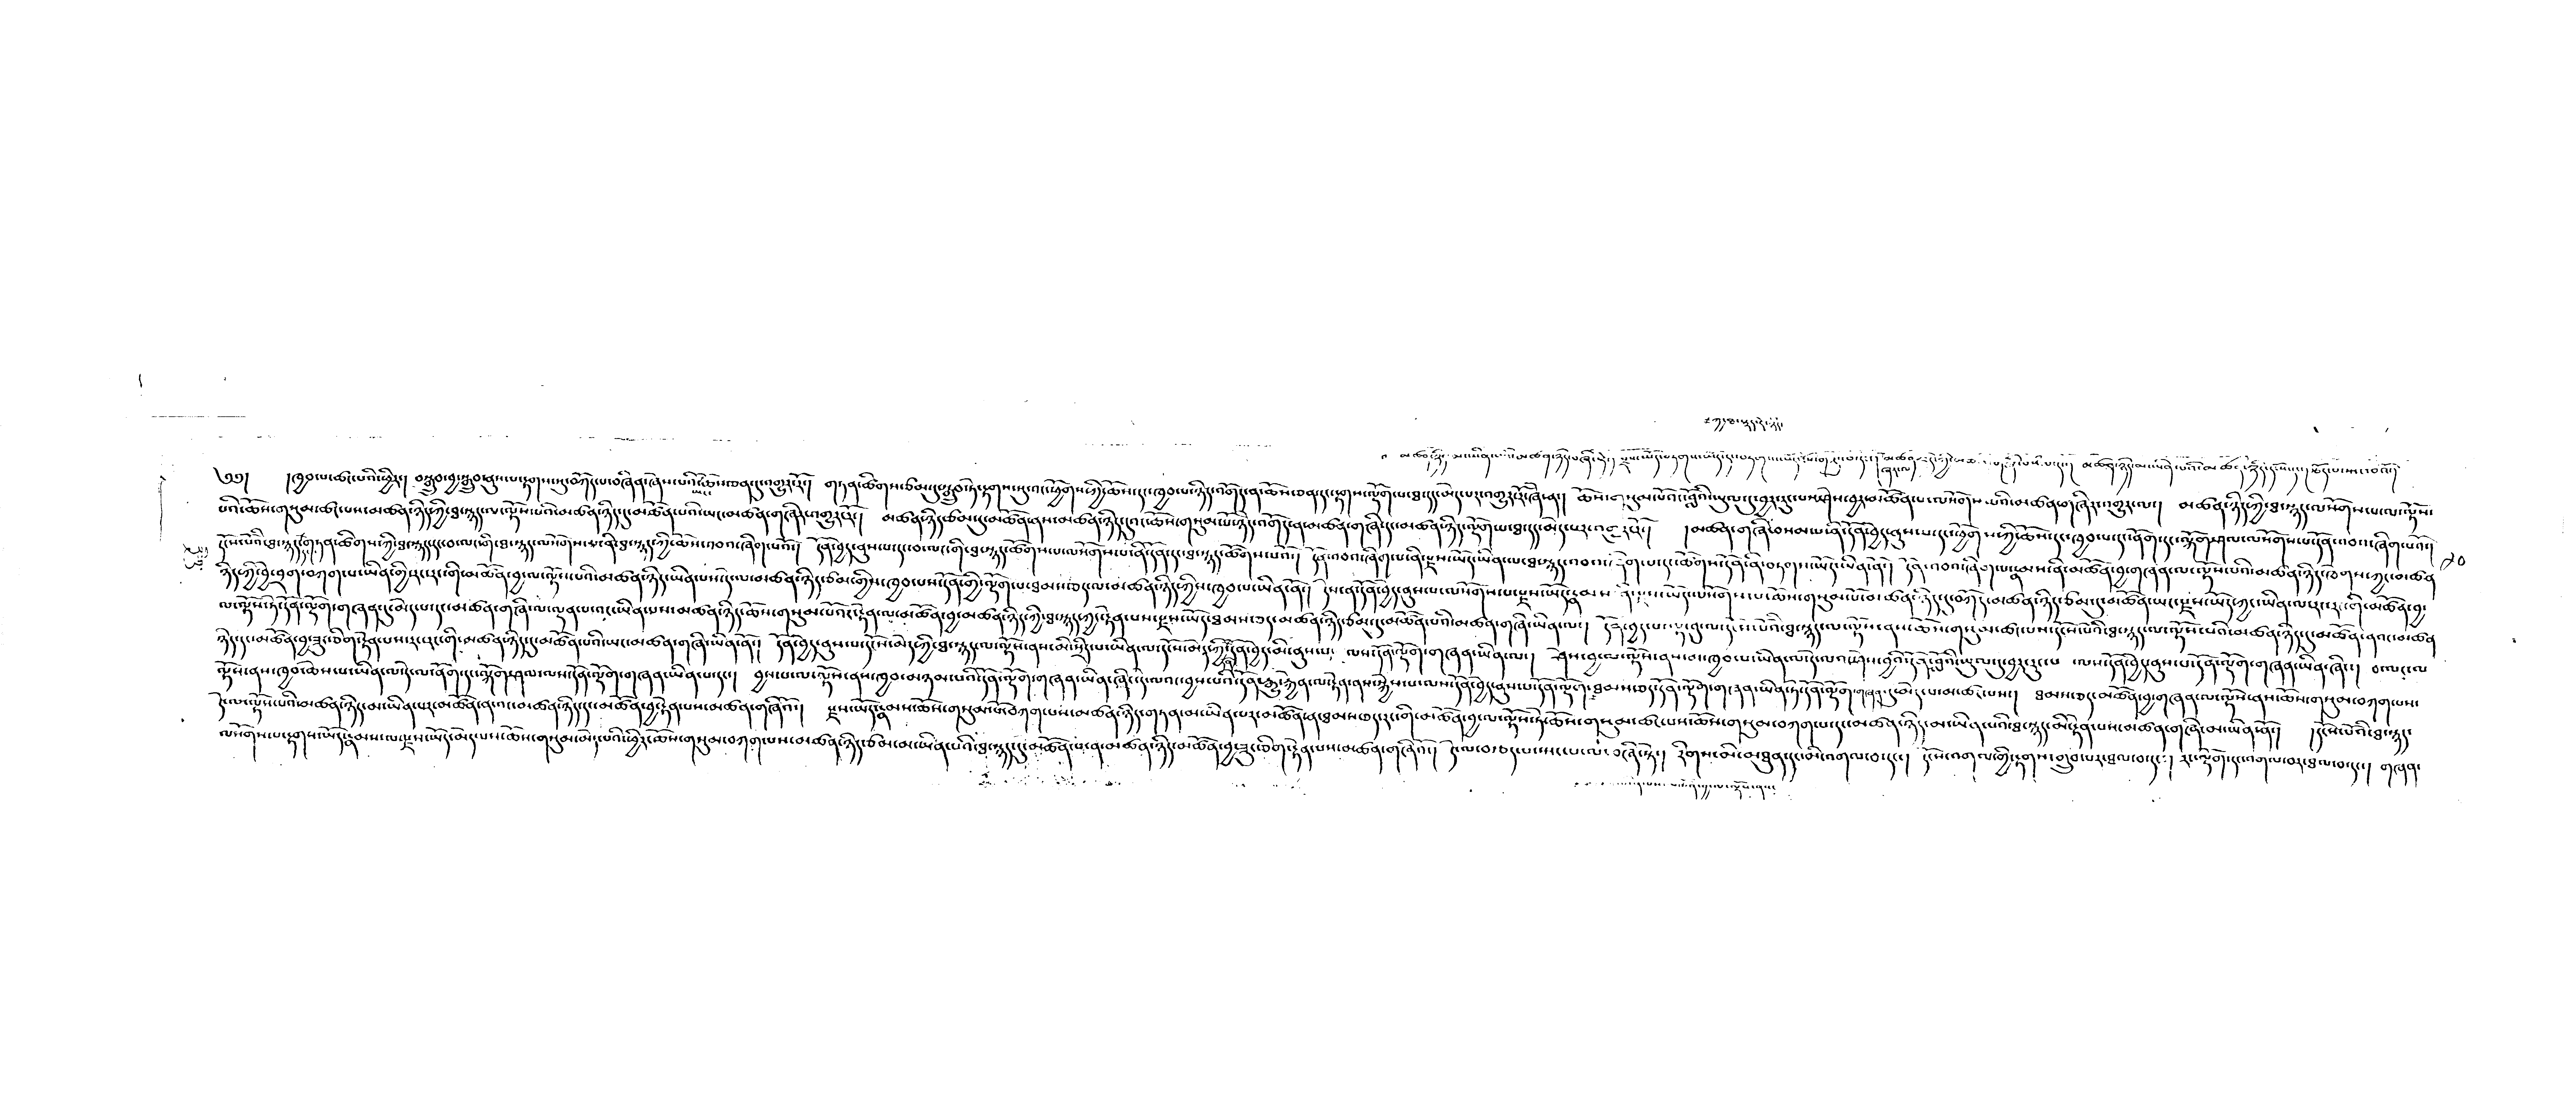༄༅། །ཁྱབ་པ་ཚང་པའི་ཕྱིར། བསྒྲུབ་བྱ་སྒྲུབ་ནུས་པ་རྟགས་སུ་བཀོད་པ་བཞིན་ཞེས་པའི་ཡང་ཆོས་ཅན་དུ་འགྱུར་རོ། གཏན་ཚིགས་ཙམ་དུ་བསྒྲུབ་ཏེ་རྟགས་སུ་འང་ཕྱོགས་ཀྱི་ཆོས་དང་ཁྱབ་པ་ཉིད་འགོད་ན་ཆོས་ཅན་དང་རྟགས་ལྡོག་པ་ཐ་དད་མེད་པར་འགྱུར་རོ་ཞེ་ན། ཆོས་གསུམ་པོའི་བློའི་ཡུལ་དུ་བྱར་རུང་པས་ཤེས་བྱར་མཚོན་པ་ལ་སོགས་པའི་མཚན་གཞིར་འགྱུར་ལ། མཚན་ཉིད་ཀྱི་ཐ་སྙད་ལ་སོགས་པ་ལ་ལྟོས་
པའི་ཆོས་གསུམ་ཚང་པས་མཚན་ཉིད་ཀྱི་ཐ་སྙད་ལ་ལྟོས་པའི་མཚན་ཉིད་དུ་མཚོན་པའི་ཡང་མཚན་གཞིར་འགྱུར་རོ། མཚན་ཉིད་ཙམ་དུ་མཚོན་ནས་མཚན་ཉིད་དུའང་ཆོས་གསུམ་པོ་ཉིད་འགོད་ན་མཚན་གཞི་དང་མཚན་ཉིད་ལྡོག་པ་ཐ་དད་མེད་པར་འགྱུར་རོ། །མཚན་གཞི་བསམ་པ་ནི་དོན་བྱེད་ནུས་པ་དང་ཕྱོགས་ཀྱི་ཆོས་དང་ཁྱབ་པ་དང་ནོག་དང་ལྐོག་ཤལ་ལ་སོགས་པ་དོན་འབའ་ཞིག་པའོ།
ཉིད་ཀྱི་བྱེ་བྲག་བཀག་པ་ཡིན་གྱི་རང་རང་གི་མཚོན་བྱ་ལ་ལྟོས་པའི་མཚན་ཉིད་ཡིན་པས་དེ་ལ་མཚན་ཉིད་ཙམ་གྱིས་ཁྱབ་པས་དོན་གྱི་ལྡོག་པ་ཐམས་ཅད་ལ་མཚན་ཉིད་ཀྱིས་ཁྱབ་པ་ཡིན་ནོ། དེས་ན་དོན་བྱེད་ནུས་པ་ལ་སོགས་པ་རྫས་ཡོད་རྣམས་ནི་རྫས་ཡོད་པ་སོགས་པ་ཆོས་གསུམ་པོ་མཚན་ཉིད་དུ་བཀོད་མཚན་ཉིད་ཙམ་དུ་མཚོན་ཡང་རྫས་ཡོད་ཀྱང་ཡིན་ལ་རང་རང་གི་མཚོན་བྱ་
ལ་ལྟོས་ཏེ་དོན་ལྡོག་གཞན་དུ་མེད་པ་དང་མཚན་གཞི་ལ་ལྡན་པ་འང་ཡིན་པས་མཚན་ཉིད་ཆོས་གསུམ་པོའང་རྟེན་ལ་མཚོན་བྱ་མཚན་ཉིད་ཀྱི་ཐ་སྙད་ཀྱང་རྟེན་པས་རྫས་ཡོད་ཐམས་ཅད་མཚན་ཉིད་ཙམ་དུ་མཚོན་པའི་མཚན་གཞི་ཡིན་ལ། དོན་བྱད་པ་ལྟ་བུ་ལ་དངོས་པོའི་ཐ་སྙད་ལ་ལྟོས་ནས་ཆོས་གསུམ་ཚང་པས་དངོས་པོའི་ཐ་སྙད་ལ་ལྟོས་པའི་མཚན་ཉིད་དུ་མཚོན་ནའང་མཚན་
ཉིད་དང་མཚོན་བྱ་ཟུང་ཅིག་རྟེན་པས་རང་རང་གི་མཚན་ཉིད་དུ་མཚོན་པའི་ཡང་མཚན་གཞི་ཡིན་ནོ། དོན་བྱེད་ནུས་པ་དངོས་མེད་ཀྱི་ཐ་སྙད་ལ་ལྟོས་ནས་མི་སྲིད་པ་ཡིན་ལ་དངོས་མེད་ཀྱི་དོན་དོན་བྱེད་མི་ནུས་པ་ལས་དོན་ལྡོག་གཞན་ཡིན་ལ། ཤེས་བྱ་ལ་ལྟོས་ནས་མ་ཁྱབ་པ་ཡིན་ལ་དེ་ལའང་ཤེས་བྱའི་དོན་བློའི་ཡུལ་དུ་བྱར་རུང་པ་ལས་དོན་བྱེད་ནུས་པ་དོན་ལྡོག་གཞན་ཡིན་ཞིང་། བ་ལང་ལ་
ལྟོས་ནས་ཁྱབ་ཆེས་པ་ཡིན་ལ་དེ་ལ་ནོག་དང་ལྐོག་ཤལ་ལས་དོན་ལྡོག་གཞན་ཡིན་པ་དང་། བྱས་པ་ལ་ལྟོས་ནས་ཁྱབ་མཉམ་པའི་དོན་ལྡོག་གཞན་ཡིན་ཞིང་དེ་ལའང་བྱས་པའི་དོན་རྒྱུ་རྐྱེན་ལ་རྟེན་ནས་སྐྱེས་པ་ལས་དོན་བྱེད་ནུས་པ་དོན་ལྡོག་ཐམས་ཅད་དོན་ལྡོག་གཞན་ཡིན་ཏེ་དོན་ལྡོག་གཞན་དུ་མེད་པ་མ་ཚང་པས། ཐམས་ཅད་མཚོན་བྱ་གཞན་ལ་ལྟོས་ནས་ཆོས་གསུམ་བཀག་པས་
དེ་ལ་ལྟོས་པའི་མཚན་ཉིད་མ་ཡིན་པར་མཚོན་ན་འང་མཚན་ཉིད་དང་མཚོན་བྱ་རྟེན་པས་མཚན་གཞིའོ། རྫས་ཡོད་རྣམས་ཆོས་གསུམ་པོ་བཀག་པས་མཚན་ཉིད་གཏན་མ་ཡིན་པར་མཚོན་ན་ཐམས་ཅད་རང་གི་མཚོན་བྱ་ལ་ལྟོས་ཏེ་ཆོས་གསུམ་ཚང་པས་ཆོས་གསུམ་བཀག་པ་དང་མཚན་ཉིད་མ་ཡིན་པའི་ཐ་སྙད་མི་རྟེན་པས་མཚན་གཞི་མ་ཡིན་ནོ། །དངོས་པོའི་ཐ་སྙད་
ལ་སོགས་པ་རྟགས་ཡོད་རྣམས་ལ་རྫས་ཡོད་མེད་པས་ཆོས་གསུམ་མེད་པའི་ཕྱིར་ཆོས་གསུམ་བཀག་པས་མཚན་ཉིད་ཙམ་མ་ཡིན་པའི་ཐ་སྙད་དུ་མཚོན་པ་ན་མཚན་ཉིད་མཚོན་བྱ་ཟུང་ཅིག་རྟེན་པས་མཚན་གཞིའོ། དེ་ལ་བརྩད་པ་སྤང་པ་ལ་བཞི་སྟེ། རིགས་མི་མཐུན་དང་མི་འགལ་བ་དང་། དངོས་འགལ་གྱི་རྟགས་གྲུབ་པར་ཐལ་བ་དང་། རང་ལྡོག་དང་འགལ་བར་ཐལ་བ་དང་། གཞན་